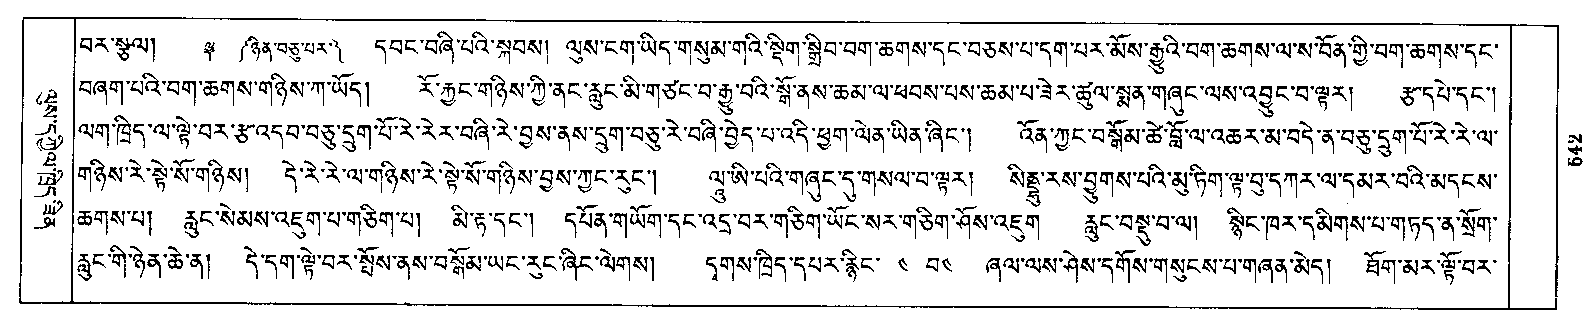བར་སྩལ། ༈ ཉིན་བཅུ་པར྄་དབང་བཞི་པའི་སྐབས། ལུས་ངག་ཡིད་གསུམ་གའི་སྡིག་སྒྲིབ་བག་ཆགས་དང་བཅས་པ་དག་པར་མོས་རྒྱུའི་བག་ཆགས་ལ་ས་བོན་གྱི་བག་ཆགས་དང་
བཞག་པའི་བག་ཆགས་གཉིས་ཀ་ཡོད། རོ་རྐྱང་གཉིས་ཀྱི་ནང་རླུང་མི་གཙང་བ་རྒྱུ་བའི་སྒོ་ནས་ཆམ་ལ་ཕབས་པས་ཆམ་པ་ཟེར་ཚུལ་སྨན་གཞུང་ལས་འབྱུང་བ་ལྟར། རྩ་དཔེ་དང་།
ལག་ཁྲིད་ལ་ལྟེ་བར་རྩ་འདབ་བཅུ་དྲུག་པོ་རེ་རེར་བཞི་རེ་བྱས་ནས་དྲུག་བཅུ་རེ་བཞི་བྱེད་པ་འདི་ཕྱག་ལེན་ཡིན་ཞིང་། འོན་ཀྱང་བསྒོམ་ཚེ་བློ་ལ་འཆར་མ་བདེ་ན་བཅུ་དྲུག་པོ་རེ་རེ་ལ་
གཉིས་རེ་སྟེ་སོ་གཉིས། དེ་རེ་རེ་ལ་གཉིས་རེ་སྟེ་སོ་གཉིས་བྱས་ཀྱང་རུང་། ལཱུ་ཨི་པའི་གཞུང་དུ་གསལ་བ་ལྟར། སིནྡྷུ་རས་བྱུགས་པའི་མུ་ཏིག་ལྟ་བུ་དཀར་ལ་དམར་བའི་མདངས་
ཆགས་པ། རླུང་སེམས་འཇུག་པ་གཅིག་པ། མི་རྟ་དང་། དཔོན་གཡོག་དང་འདྲ་བར་གཅིག་ཡོང་སར་གཅིག་ཤོས་འཇུག་རླུང་བསྡུ་བ་ལ། སྙིང་ཁར་དམིགས་པ་གཏད་ན་སྲོག་
རླུང་གི་ཉེན་ཆེ་ན། དེ་དག་ལྟེ་བར་སྤོས་ནས་བསྒོམ་ཡང་རུང་ཞིང་ལེགས། དྭགས་ཁྲིད་དཔར་རྙིང ༤་བ ༤་ཞལ་ལས་ཤེས་དགོས་གསུངས་པ་གཞན་མེད། ཐོག་མར་ལྟོ་བར་